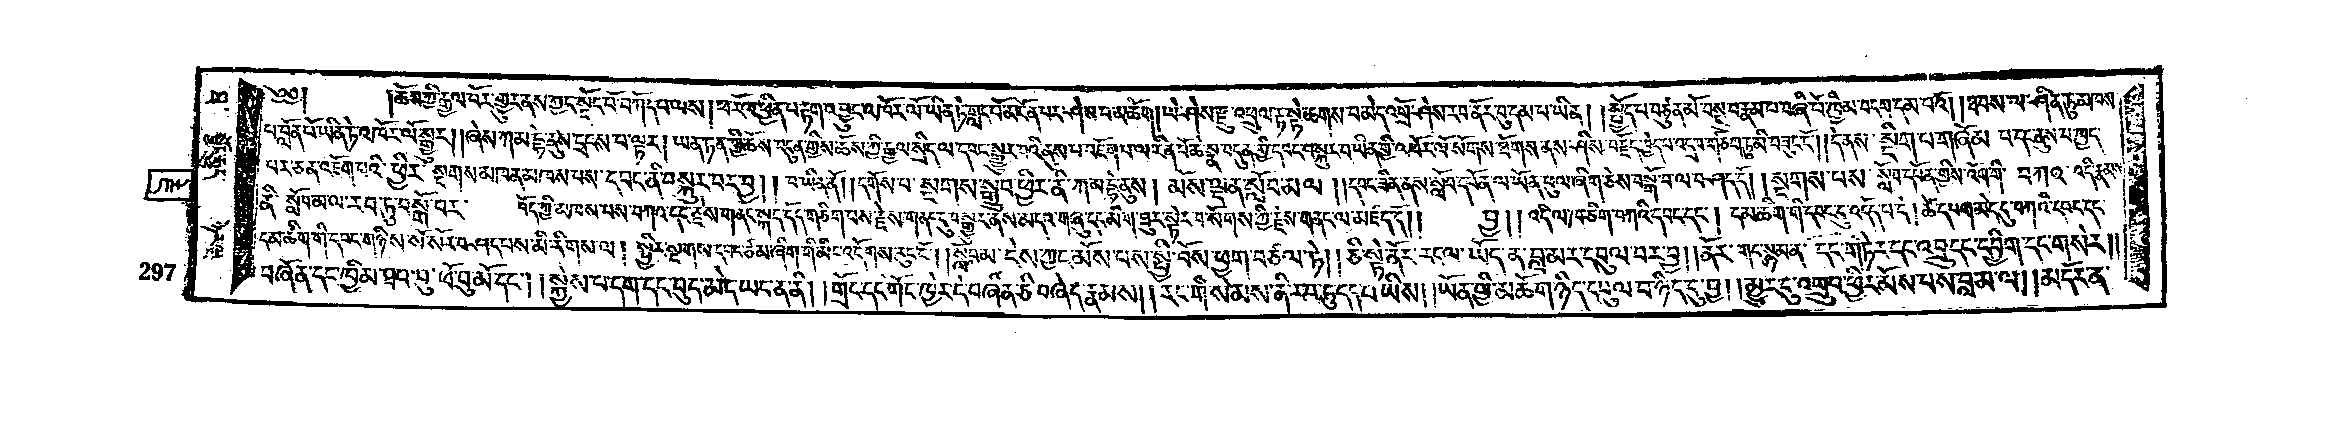༄༅། །ཆོས་ཀྱི་རྒྱལ་པོར་གྱུར་ནས་ཀྱང་སྡོང་པོ་བཀོད་པ་ལས། ཕ་རོལ་ཕྱིན་པ་རྟག་འབྱུང་འཁོར་ལོ་ཡིན་ཏེ་གླང་པོ་མངོན་པར་ཤེས་པ་མཆོག །ཡེ་ཤེས་རྫུ་འཕྲུལ་རྟ་སྟེ་ཆགས་པ་མེད་འགྲོ་ཤེས་རབ་ནོར་བུ་དམ་པ་ཡིན། །སྤྱོད་པ་བཙུན་མོ་བསྡུ་བ་རྣམ་པ་བཞི་པོ་ཁྱིམ་བདག་དམ་པའི། །ཐབས་ལ་ཤིན་ཏུ་མཁས་
པ་བློན་པོ་ཡིན་ཏེ་འཁོར་ལོ་སྒྱུར། །ཞེས་ཀ་མ་དྷེ་ནུས་དྲངས་པ་ལྟར། ཡོན་ཏན་གྱི་ཆོས་བདུན་གྱིས་ཆོས་ཀྱི་རྒྱལ་སྲིད་ལ་དབང་སྒྱུར་བའི་ནུས་པ་འཇོག་པ་ལ་རིན་པོ་ཆེ་སྣ་བདུན་གྱི་དབང་བསྐུར་བ་ཡིན་གྱི་འཁོར་ལོ་སོགས་ཐོགས་ནས་ཤིས་བརྗོད་བྱེད་པ་འདྲ་བ་གཅིག་ཏུ་མི་བཟུང་ངོ། །དེ་ནས་སྡིག་པ་གཞོམ་པ་དང་ནུས་པ་ཁྱད་
པར་ཅན་འཇོག་པའི་ཕྱིར་སྔགས་མཁན་མཁས་པས་དབང་ནི་བསྐུར་བར་བྱ། །བ་ཡིན་ནོ། །དགོས་པ་སྔགས་སྒྲུབ་ཕྱིར་ནི་ཀ་མ་དྷེ་ནུས།  མོས་ལྡན་སློབ་མལ། །དབང་ཟིན་ནས་སློབ་དཔོན་ལ་ཡོན་ཕུལ་ཞིག་ཅེས་བསྒོ་བ་ལ་བཤད་དོ།  །སྔགས་པས་སློབ་དཔོན་གྱིས་འོག་གི་བཀའ་འདིར་རྣམས
ནི་སློབ་མ་ལ་རབ་ཏུ་བསྒོ་བར་བོད་ཀྱི་མཁས་པས་བཀའ་དང་རྗེས་གནང་སྐད་དོད་གཅིག་པས་རྗེས་གནང་དུ་བསྒྱུར་ནས་མདའ་གཞུ་དང་མིག་ཐུར་སྟེར་བ་སོགས་ཀྱི་རྗེས་གནང་ལ་མཛད་དོ། །བྱ། །འདི་ལ་ཁ་ཅིག་བཀའི་དབང་དང་། དམ་ཚིག་གི་དབང་དུ་འདོད་པ་དེ། ཚེ་དཔག་མེད་དུ་བཀའི་དབང་དང་
དམ་ཚིག་གི་དབང་གཉིས་སོ་སོར་བཤད་པས་མི་རིགས་ལ། སྤྱིར་སྔགས་དབང་ཙམ་ཞིག་གི་མིང་འདོགས་རུང་ངོ། །སློབ་མ་དེས་ཀྱང་མོས་པས་སྤྱི་བོས་ཕྱག་བཙལ་ཏེ། །ཅི་སྟེ་ནོར་རང་ལ་ཡོད་ན་བླ་མར་དབུལ་བར་བྱ། །ནོར་གང་སྙམ་ན་དང་གཏེར་དང་འབྲུ་དང་དབྱིག་དང་གསེར། །
བཞོན་དང་ཁྱིམ་ཐབ་བུ་ཕོ་བུ་མོ་དང་། །སྐྱེས་པ་དག་དང་བུད་མེད་ཡང་ན་ནི། །གྲོང་དང་གྲོང་ཁྱེར་དེ་བཞིན་ཅི་བཞེད་རྣམས། །རང་གི་སེམས་ནི་རབ་ཏུ་དད་པ་ཡིས། །ཡོན་གྱི་མཆོག་ཉིད་དབུལ་བ་ཉིད་དུ་བྱ། །མྱུར་དུ་འགྲུབ་ཕྱིར་མོས་པས་བླ་མ་ལ། །མདོར་ན་